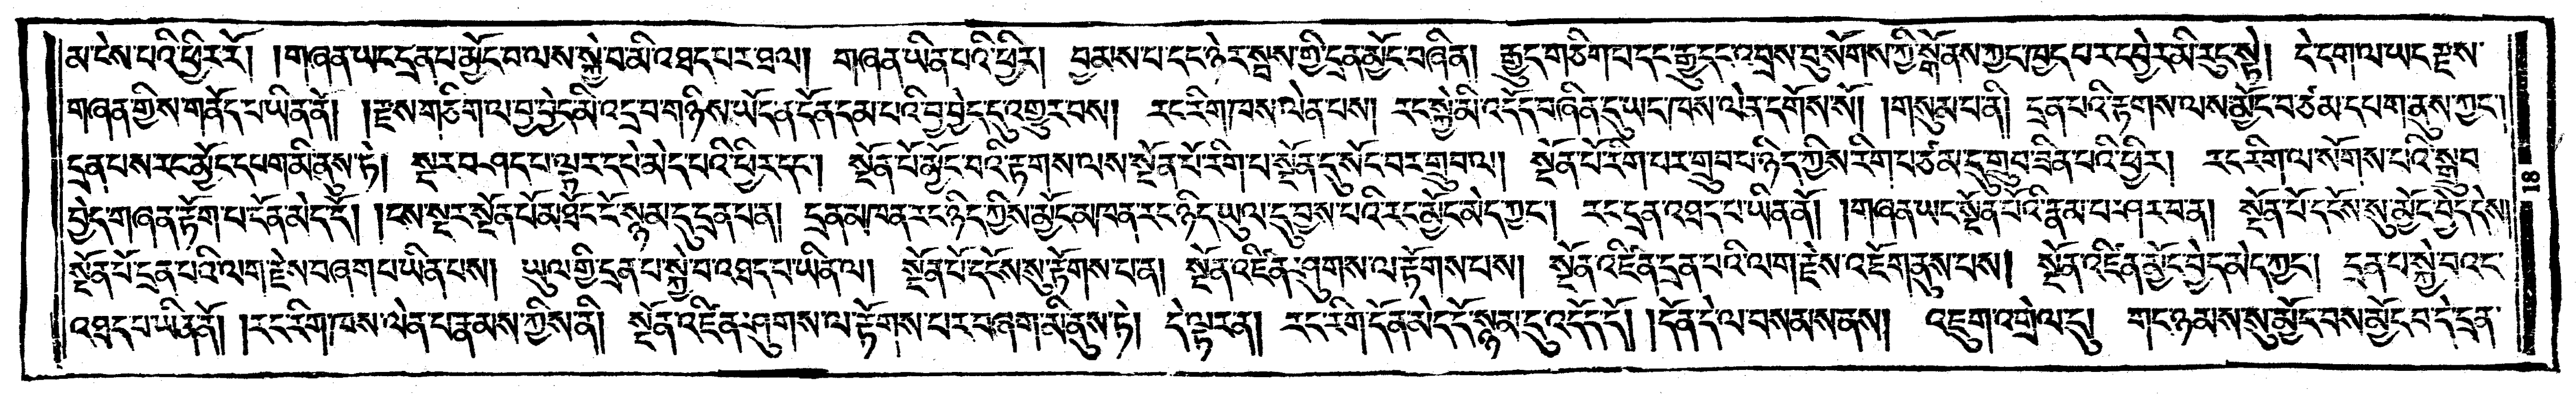མ་ངེས་པའི་ཕྱིར་རོ། །གཞན་ཡང་དྲན་པ་མྱོང་བ་ལས་སྐྱེ་བ་མི་འཐད་པར་ཐལ། གཞན་ཡིན་པའི་ཕྱིར། བྱམས་པ་དང་ཉེར་སྦས་གྱི་དྲན་མྱོང་བཞིན། རྒྱུད་གཅིག་པ་དང་རྒྱུ་དང་འབྲས་བུ་སོགས་ཀྱི་སྒོ་ནས་ཀྱང་ཁྱད་པར་དབྱེར་མི་རུང་སྟེ། དེ་དག་ལ་ཡང་རྫས་
གཞན་གྱིས་གནོད་པ་ཡིན་ནོ། །རྫས་གཅིག་ལ་བྱ་བྱེད་མི་འདྲ་བ་གཉིས་ཡོད་ན་དོན་དམ་པའི་བྱ་བྱེད་དུ་འགྱུར་བས། རང་རིག་ཁས་ལེན་པས། རང་སྐྱེ་མི་འདོད་བཞིན་དུ་ཡང་ཁས་ལེན་དགོས་སོ། །གསུམ་པ་ནི། དྲན་པའི་རྟགས་ལས་མྱོང་བ་ཙམ་དཔག་ནུས་ཀྱང་།
དྲན་པས་རང་མྱོང་དཔག་མི་ནུས་ཏེ། སྔར་བཤད་པ་ལྟར་དཔེ་མེད་པའི་ཕྱིར་དང་། སྔོན་པོ་མྱོང་བའི་རྟགས་ལས་སྔོན་པོ་རིག་པ་སྔོན་དུ་སོང་བར་གྲུབ་ལ། སྔོན་པོ་རིག་པར་གྲུབ་པ་ཉིད་ཀྱིས་རིག་པ་ཙམ་དུ་གྲུབ་ཟིན་པའི་ཕྱིར། རང་རིག་ལ་སོགས་པའི་སྒྲུབ་
བྱེད་གཞན་རྟོག་པ་དོན་མེད་དོ། །ངས་སྔར་སྔོན་པོ་མཐོང་ངོ་སྙམ་དུ་དྲན་པ་ན། དྲན་མཁན་རང་ཉིད་ཀྱིས་མྱོང་མཁན་རང་ཉིད་ཡུལ་དུ་བྱས་པའི་རང་མྱོང་མེད་ཀྱང་། རང་དྲན་འཐད་པ་ཡིན་ནོ། །གཞན་ཡང་སྔོན་པོའི་རྣམ་པ་ཤར་བ་ན། སྔོན་པོ་དངོས་སུ་མྱོང་བྱེད་དེས།
སྔོན་པོ་དྲན་པའི་ལག་རྗེས་བཞག་པ་ཡིན་པས། ཡུལ་གྱི་དྲན་པ་སྐྱེ་བ་འཐད་པ་ཡིན་ལ། སྔོན་པོ་དངོས་སུ་རྟོགས་པ་ན། སྔོན་འཛིན་ཤུགས་ལ་རྟོགས་པས། སྔོན་འཛིན་དྲན་པའི་ལག་རྗེས་འཇོག་ནུས་པས། སྔོན་འཛིན་མྱོང་བྱེད་མེད་ཀྱང་། དྲན་པ་སྐྱེ་བའང་
འཐད་པ་ཡིན་ནོ། །རང་རིག་ཁས་ལེན་པ་རྣམས་ཀྱིས་ནི། སྔོན་འཛིན་ཤུགས་ལ་རྟོགས་པར་བཞག་མི་ནུས་ཏེ། དེ་ལྟར་ན། རང་རིག་དོན་མེད་དོ་སྙམ་དུ་འདོད་དོ། །དོན་དེ་ལ་བསམས་ནས། འཇུག་འགྲེལ་དུ། གང་ཉམས་སུ་མྱོང་བས་མྱོང་བ་དེ་དྲན་